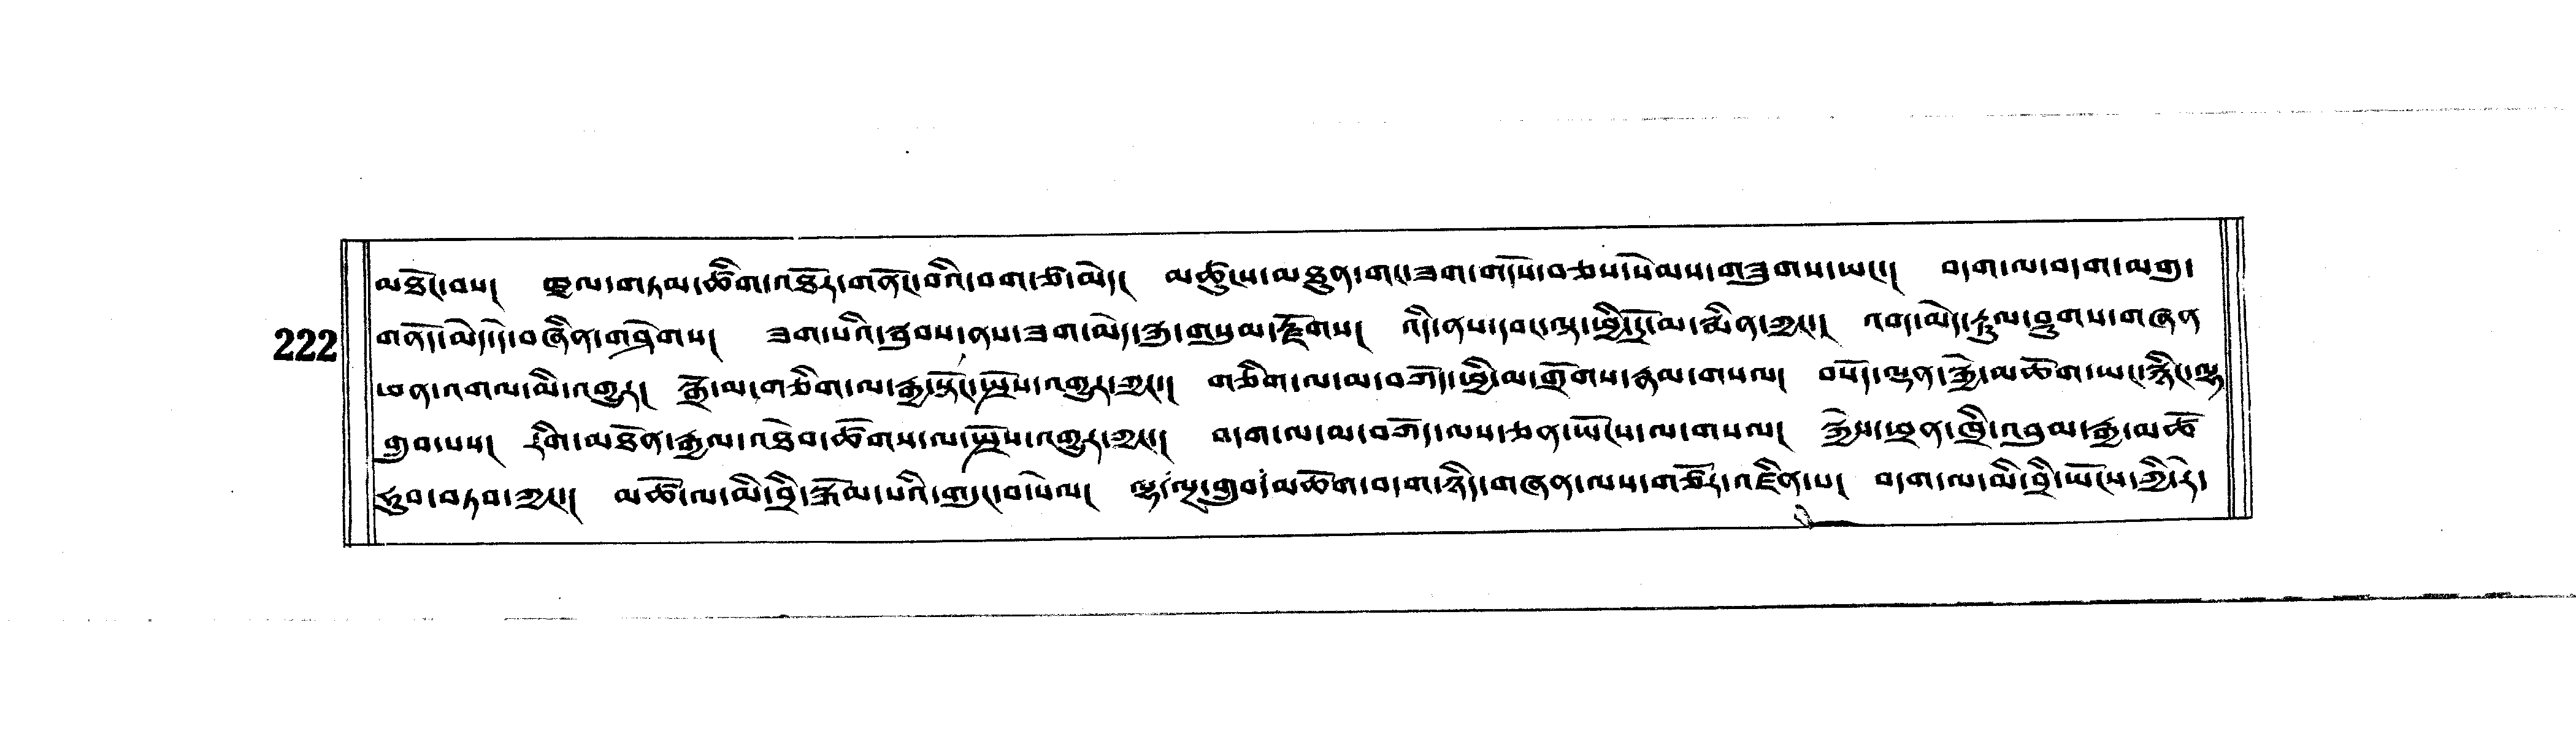མཐོང་བས། ཁྱལ་གཏམ་ཚིག་འཐོར་གནོང་བའི་བག་ཚ་མེད། མཚུངས་མཐུན་གང་ཟག་གདོས་བཅས་སེམས་གཟུགས་ཡང་། བདག་ལ་བདག་མགུ་
གནོད་མེད་དེ་བཞིན་གཤེགས། ཟག་པའི་སྦུབས་ནས་ཟག་མེད་སྐུ་གསུམ་རྫོགས། འིད་ནས་དབང་ལྟ་ཕྱི་དྲོ་མ་སྨིན་ཀྱང་། འབད་མེད་རྟུལ་ཞུགས་གཞན་
ཕན་འགལ་མི་འགྱུར། སྒྲོན་མ་གཅིག་ལ་བརྒྱ་སྟོང་སྤྲོས་གྱུར་ཀྱང་། གཅིག་ལ་མ་བཀོད་ཕྱི་མ་གྲོགས་རྣམས་གསལ། བསོད་ལྡན་སྐྱེས་མཆོག་ཡང་སྙིང་ལྷ་
གྲུབ་པས། རིག་མཐོན་རྒྱལ་ཐེབས་ཚོགས་ལ་སྤྲོས་གྱུར་ཀྱང་། བདག་ལ་མ་བཀོད་ལས་ཅན་ཡོངས་ལ་གསལ། སྐྱེས་ཕྲན་ཁྲི་འབུམ་རྒྱ་མཚོ་
ཧུབ་བཏབ་ཀྱང་། མཚོ་ལ་མི་བྲི་སྐོམ་པའི་གདུང་བ་སེལ། ལྷ་མཆོག་བདག་ཉིད་གཞན་ལས་གཙོར་འཛིན་པ། བདག་ལ་མི་བྲི་ཡོངས་ཀྱི་རེ་